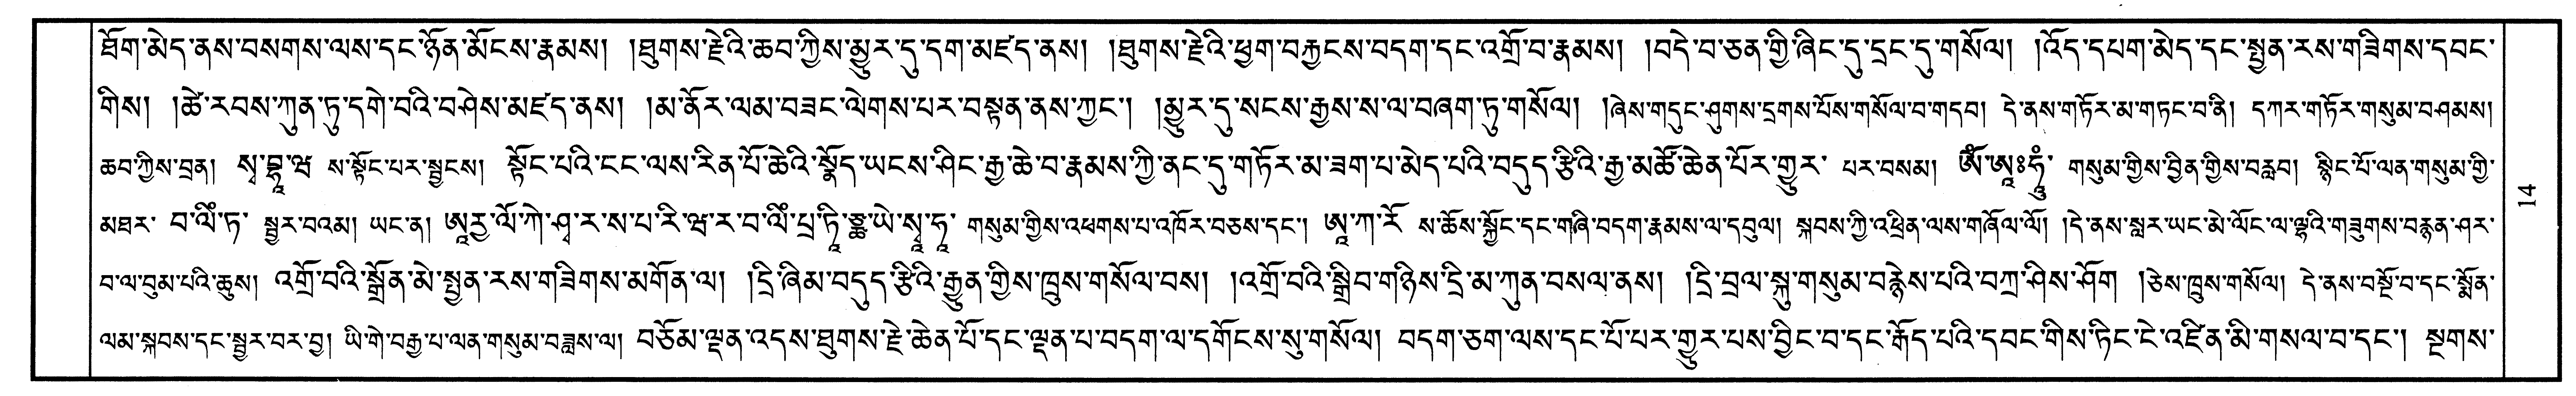ཐོག་མེད་ནས་བསགས་ལས་དང་ཉོན་མོངས་རྣམས། །ཐུགས་རྗེའི་ཆབ་ཀྱིས་མྱུར་དུ་དག་མཛད་ནས། །ཐུགས་རྗེའི་ཕྱག་བརྐྱངས་བདག་དང་འགྲོ་བ་རྣམས། །བདེ་བ་ཅན་གྱི་ཞིང་དུ་དྲང་དུ་གསོལ། །འོད་དཔག་མེད་དང་སྤྱན་རས་གཟིགས་དབང་
གིས། །ཚེ་རབས་ཀུན་ཏུ་དགེ་བའི་བཤེས་མཛད་ནས། །མ་ནོར་ལམ་བཟང་ལེགས་པར་བསྟན་ནས་ཀྱང་། །མྱུར་དུ་སངས་རྒྱས་ས་ལ་བཞག་ཏུ་གསོལ། །ཞེས་གདུང་ཤུགས་དྲགས་པོས་གསོལ་བ་གདབ། དེ་ནས་གཏོར་མ་གཏང་བ་ནི། དཀར་གཏོར་གསུམ་བཤམས།
ཆབ་ཀྱིས་བྲན། སྭ་བྷཱ་ཝ་ས་སྟོང་པར་སྦྱངས། སྟོང་པའི་ངང་ལས་རིན་པོ་ཆེའི་སྣོད་ཡངས་ཤིང་རྒྱ་ཆེ་བ་རྣམས་ཀྱི་ནང་དུ་གཏོར་མ་ཟག་པ་མེད་པའི་བདུད་རྩིའི་རྒྱ་མཚོ་ཆེན་པོར་གྱུར་པར་བསམ། ཨོཾ་ཨཱཿ ཧཱུཾ་གསུམ་གྱིས་བྱིན་གྱིས་བརླབ། སྙིང་པོ་ལན་གསུམ་གྱི་
མཐར་བ་ལིཾ་ཏ་སྦྱར་བའམ། ཡང་ན། ཨཱརྱ་ལོ་ཀེ་ཤྭ་ར་ས་པ་རི་ཝ་ར་བ་ལིཾ་པྲ་ཏཱི་ཙྪ་ཡེ་སྭཱ་ཧཱ་གསུམ་གྱིས་འཕགས་པ་འཁོར་བཅས་དང་། ཨཱ་ཀ་རོ་ས་ཆོས་སྐྱོང་དང་གཞི་བདག་རྣམས་ལ་དབུལ། སྐབས་ཀྱི་འཕྲིན་ལས་གཞོལ་ལོ། །དེ་ནས་སླར་ཡང་མེ་ལོང་ལ་ལྷའི་གཟུགས་བརྙན་ཤར་
བ་ལ་བུམ་པའི་ཆུས། འགྲོ་བའི་སྒྲོན་མེ་སྤྱན་རས་གཟིགས་མགོན་ལ། །དྲི་ཞིམ་བདུད་རྩིའི་རྒྱུན་གྱིས་ཁྲུས་གསོལ་བས། །འགྲོ་བའི་སྒྲིབ་གཉིས་དྲི་མ་ཀུན་བསལ་ནས། །དྲི་བྲལ་སྐུ་གསུམ་བརྙེས་པའི་བཀྲ་ཤིས་ཤོག །ཅེས་ཁྲུས་གསོལ། དེ་ནས་བསྔོ་བ་དང་སྨོན་
ལམ་སྐབས་དང་སྦྱར་བར་བྱ། ཡི་གེ་བརྒྱ་པ་ལན་གསུམ་བཟླས་ལ། བཅོམ་ལྡན་འདས་ཐུགས་རྗེ་ཆེན་པོ་དང་ལྡན་པ་བདག་ལ་དགོངས་སུ་གསོལ། བདག་ཅག་ལས་དང་པོ་པར་གྱུར་པས་བྱིང་བ་དང་རྒོད་པའི་དབང་གིས་ཏིང་ངེ་འཛིན་མི་གསལ་བ་དང་། སྔགས་